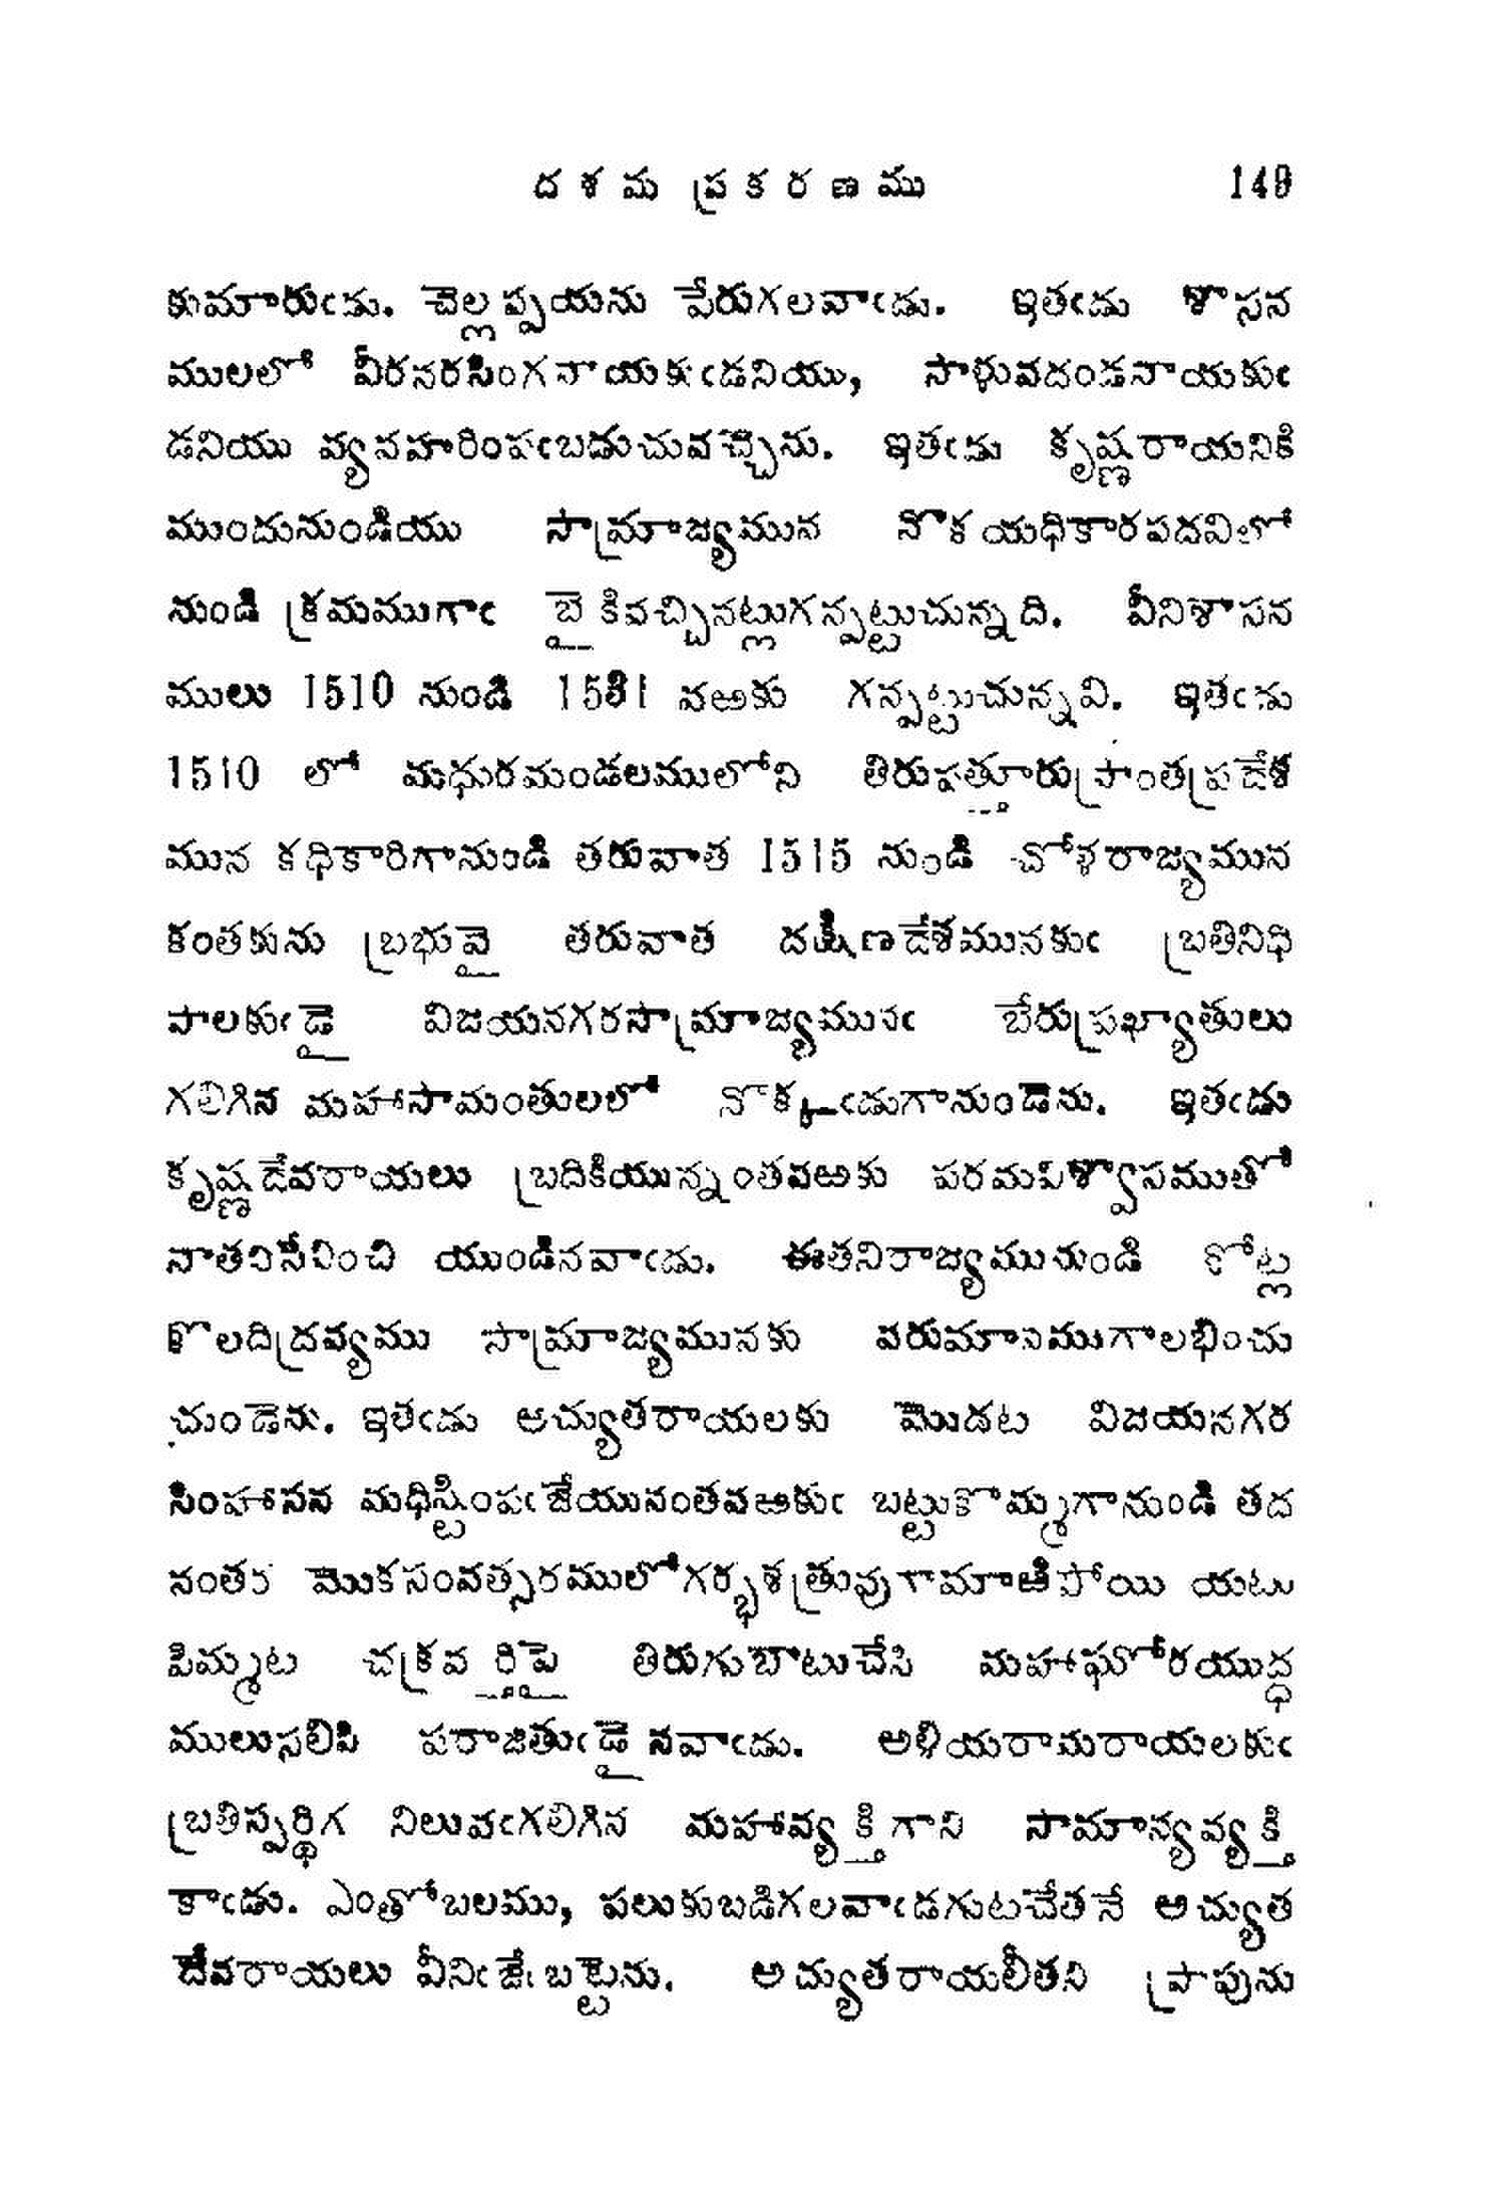కుమారుఁడు. చెల్లప్పయను పేరుగలవాఁడు. ఇతఁడు శాసనములలో వీరనరసింగనాయకుఁడనియు, సాళువదండనాయకుఁ డనియు వ్యవహరింపఁబడుచువచ్చెను. ఇతఁడు కృష్ణరాయనికి ముందునుండియు సామ్రాజ్యమున నొకయధికారపదవిలోనుండి క్రమముగాఁ బైకివచ్చినట్లుగన్పట్టుచున్నది. వీనిశాసనములు 1510 నుండి 1531 వఱకు గన్పటుచున్నవి. ఇతఁడు 1510 లో మధురమండలములోని తిరుపత్తూరు ప్రాంతప్రదేశమున కధికారిగానుండి తరువాత 1515 నుండి చోళరాజ్యమున కంతకును బ్రభువై తరువాత దక్షిణదేశమునకుఁ బ్రతినిధిపాలకుఁడై విజయనగరసామ్రాజ్యమునఁ బేరుప్రఖ్యాతులు గలిగిన మహాసామంతులలో నొక్కఁడుగానుండెను. ఇతఁడు కృష్ణదేవరాయలు బ్రదికియున్నంతవఱకు పరమవిశ్వాసముతో నాతనిసేవించి యుండినవాఁడు. ఈతనిరాజ్యమునుండి కోట్లకొలదిద్రవ్యము సామ్రాజ్యమునకు పరుమానముగాలభించు చుండెను. ఇతఁడు అచ్యుతరాయలకు మొదట విజయనగర సింహాసన మధిష్టింపఁజేయునంతవఱకుఁ బట్టుకొమ్మగానుండి తదనంతర మొకసంవత్సరములో గర్భశత్రువుగా మాఱిపోయి యటుపిమ్మట చక్రవర్తిపై తిరుగుబాటుచేసి మహాఘోరయుద్ధములుసలిపి పరాజితుఁడైనవాఁడు. అళియరామరాయలకుఁ బ్రతిస్పర్థిగ నిలువఁగలిగిన మహావ్యక్తిగాని సామాన్యవ్యక్తికాఁడు. ఎంతోబలము, పలుకుబడిగలవాఁడగుటచేతనే అచ్యుతదేవరాయలు వీనిఁజేఁబట్టెను. అచ్యుతరాయలీతని ప్రాపును